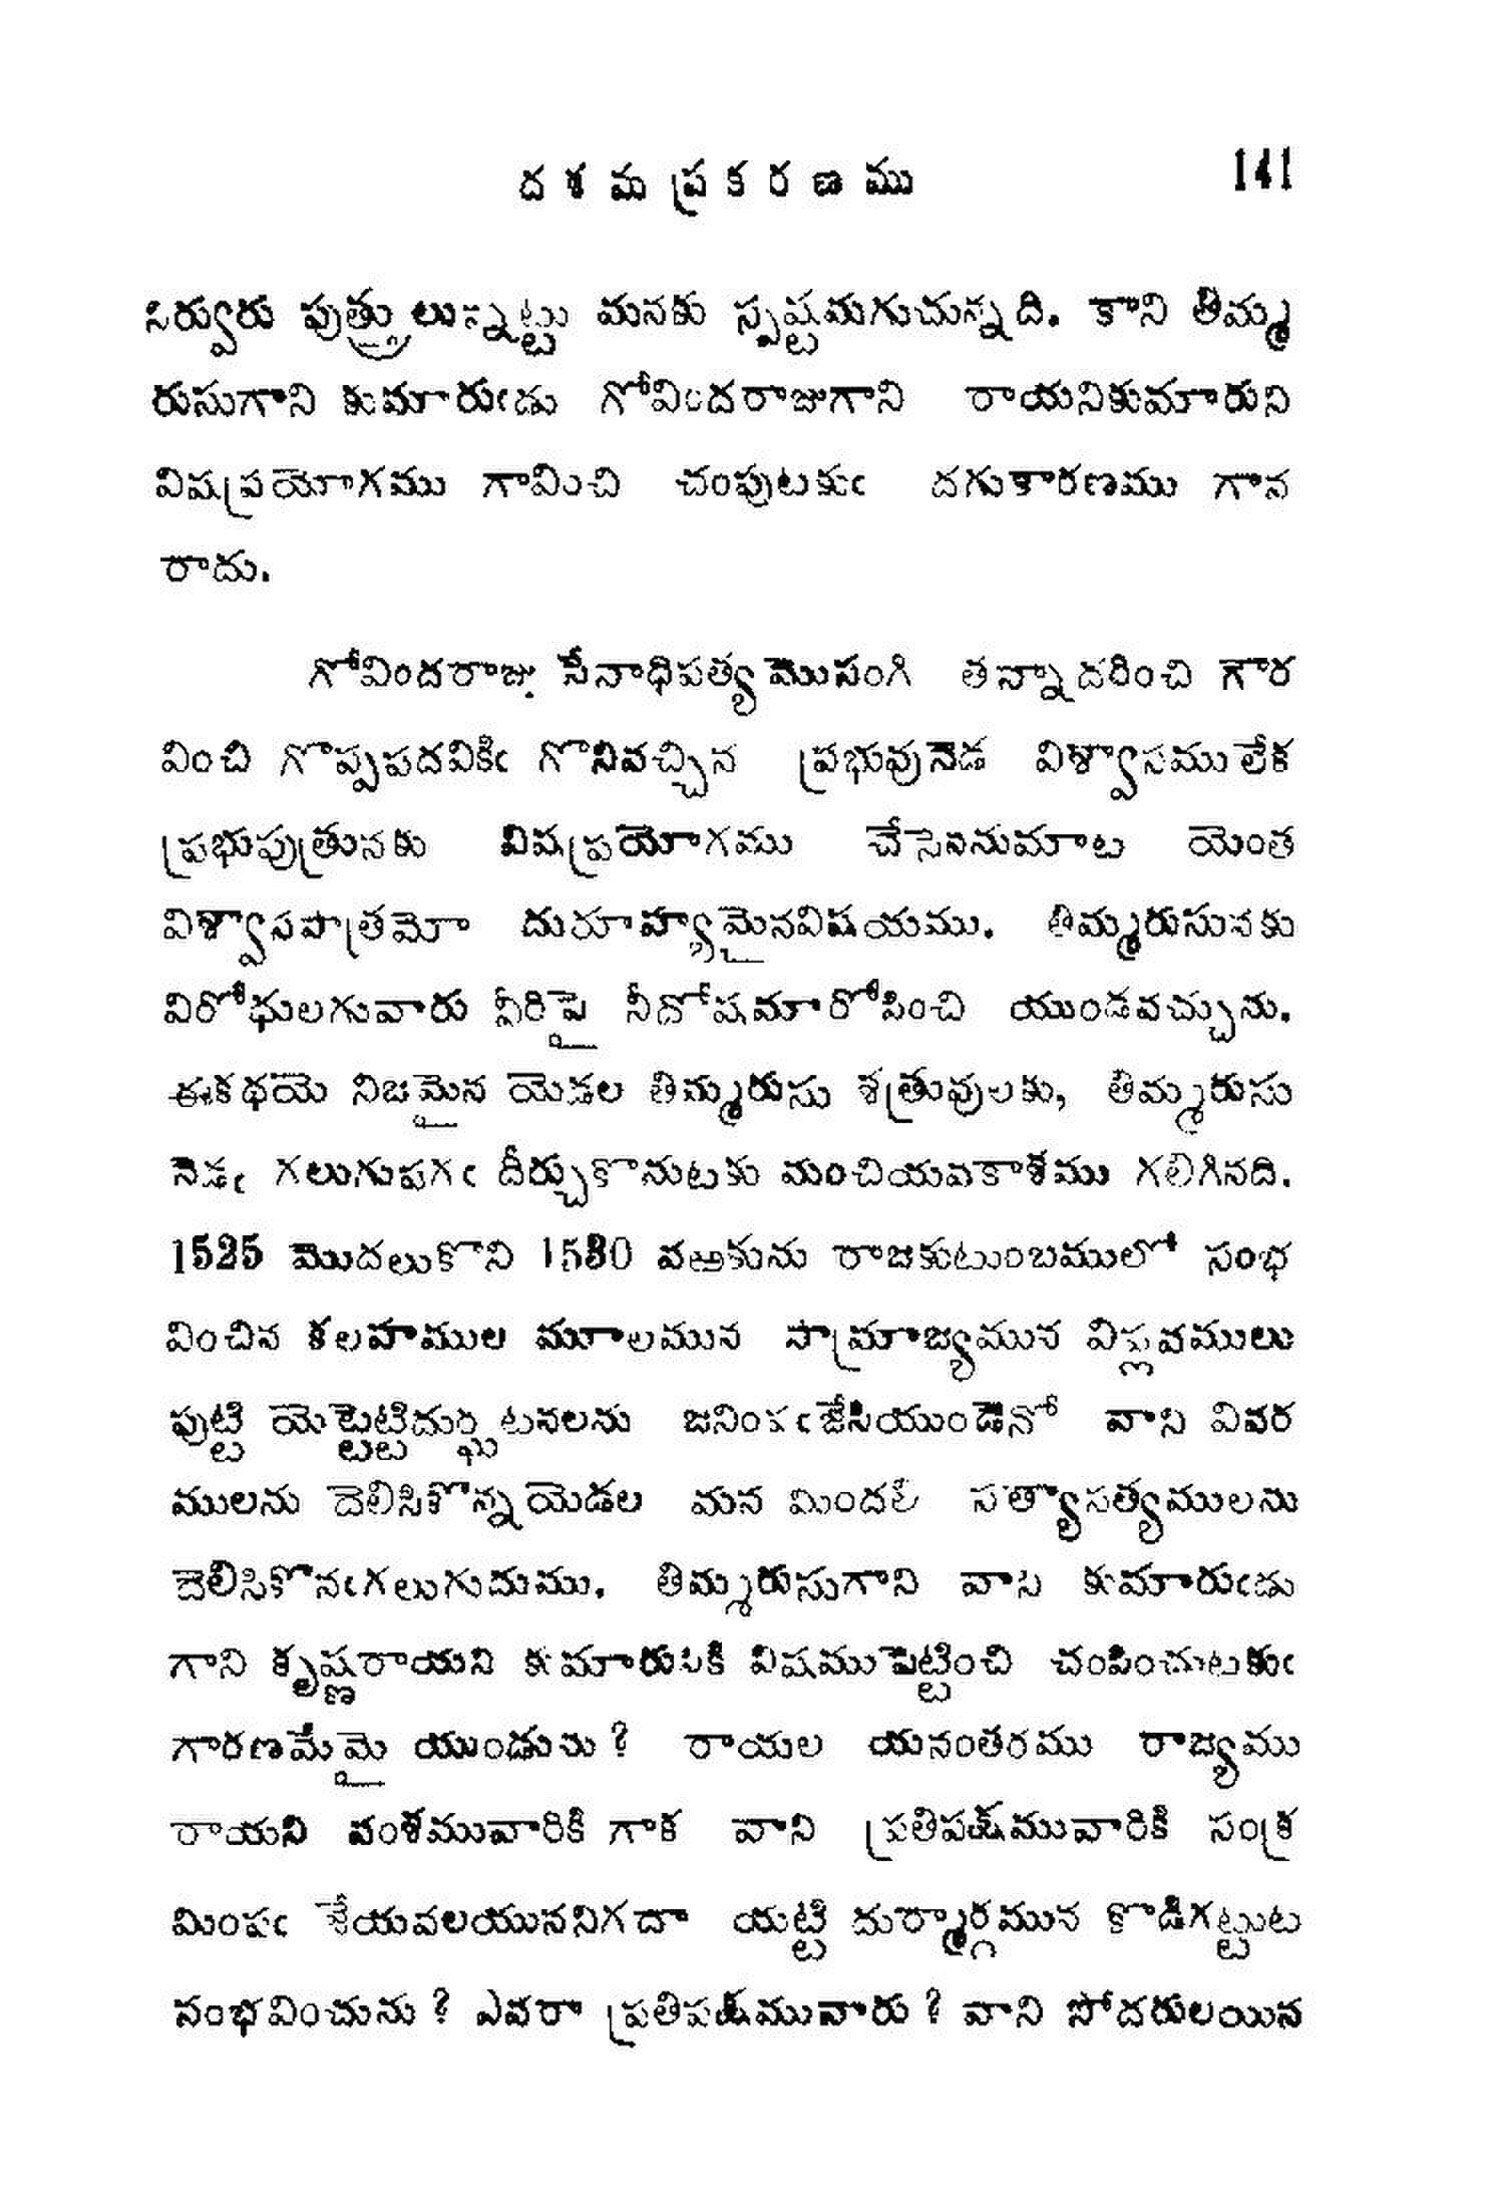నిర్వురు పుత్త్రులున్నట్టు మనకు స్పష్టమగుచున్నది. కాని తిమ్మరుసుగాని కుమారుఁడు గోవిందరాజుగాని రాయనికుమారుని విషప్రయోగము గావించి చంపుటకుఁ దగుకారణము గానరాదు.

గోవిందరాజు సేనాధిపత్యమొసంగి తన్నాదరించి గౌరవించి గొప్పపదవికిఁ గొనివచ్చిన ప్రభువునెడ విశ్వాసములేక ప్రభుపుత్రునకు విషప్రయోగము చేసెననుమాట యెంత విశ్వాసపాత్రమో దురూహ్యమైనవిషయము. తిమ్మరుసునకు విరోధులగువారు వీరిపై నీదోషమారోపించి యుండవచ్చును, ఈకథయె నిజమైన యెడల తిమ్మరుసు శత్రువులకు, తిమ్మరుసు నెడఁ గలుగుపగఁ దీర్చుకొనుటకు మంచియవకాశము గలిగినది. 1525 మొదలుకొని 1530 వఱకును రాజకుటుంబములో సంభవించిన కలహముల మూలమున సామ్రాజ్యమున విప్లవములు పుట్టి యెట్టెట్టిదుర్ఘటనలను జనింపఁజేసియుండెనో వాని వివరములను దెలిసికొన్నయెడల మన మిందలి సత్యాసత్యములను దెలిసికొనఁగలుగుదుము. తిమ్మరుసుగాని వాని కుమారుఁడు గాని కృష్ణరాయని కుమారునికి విషముపెట్టించి చంపించుటకుఁ గారణమేమై యుండును? రాయల యనంతరము రాజ్యము రాయని వంశమువారికి గాక వాని ప్రతిపక్షమువారికి సంక్రమింపఁ జేయవలయుననిగదా యట్టి దుర్మార్గమున కొడిగట్టుట సంభవించును ? ఎవరా ప్రతిపక్షమువారు ? వాని సోదరులయిన